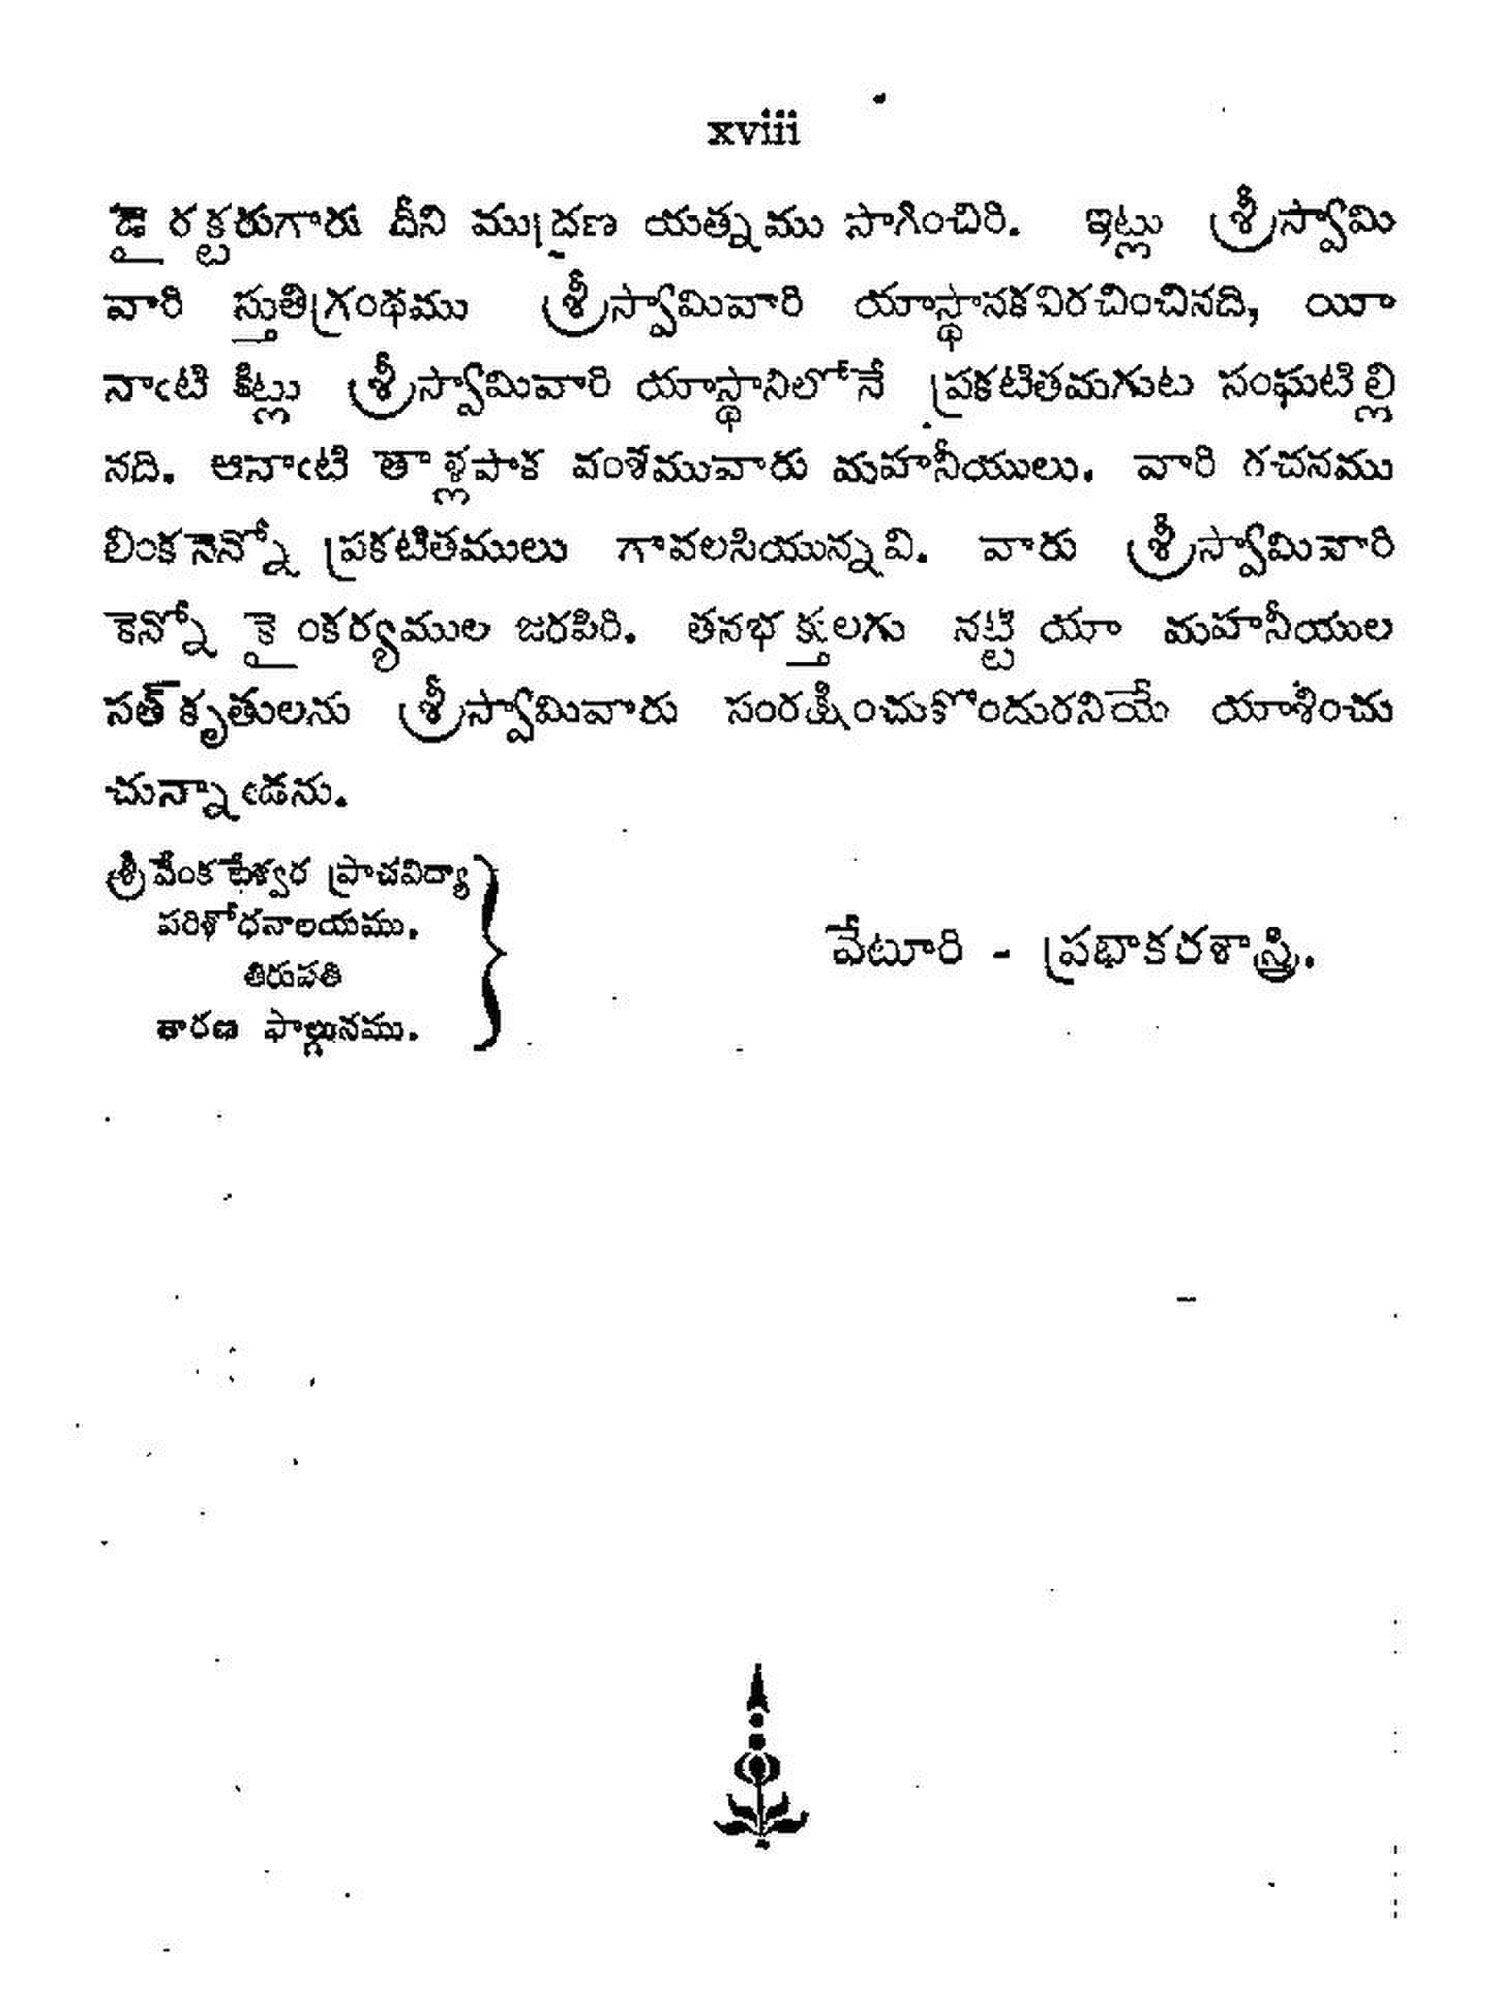డైరక్టరుగారు దీని ముద్రణ యత్నము సాగించిరి. ఇట్లు శ్రీస్వామి వారి స్తుతిగ్రంథము శ్రీస్వామివారి యాస్థానకవిరచించినది, యీనాఁటి కిట్లు శ్రీస్వామివారి యాస్థానిలోనే ప్రకటితమగుట సంఘటిల్లినది. ఆనాఁటి తాళ్లపాక వంశమువారు మహనీయులు. వారి రచనము లింకనెన్నో ప్రకటితములు గావలసియున్నవి. వారు శ్రీస్వామివారి కెన్నో కైంకర్యముల జరపిరి. తనభక్తులగు నట్టి యా మహనీయుల సత్‌కృతులను శ్రీస్వామివారు సంరక్షించుకొందురనియే యాశించుచున్నాఁడను. 

 .